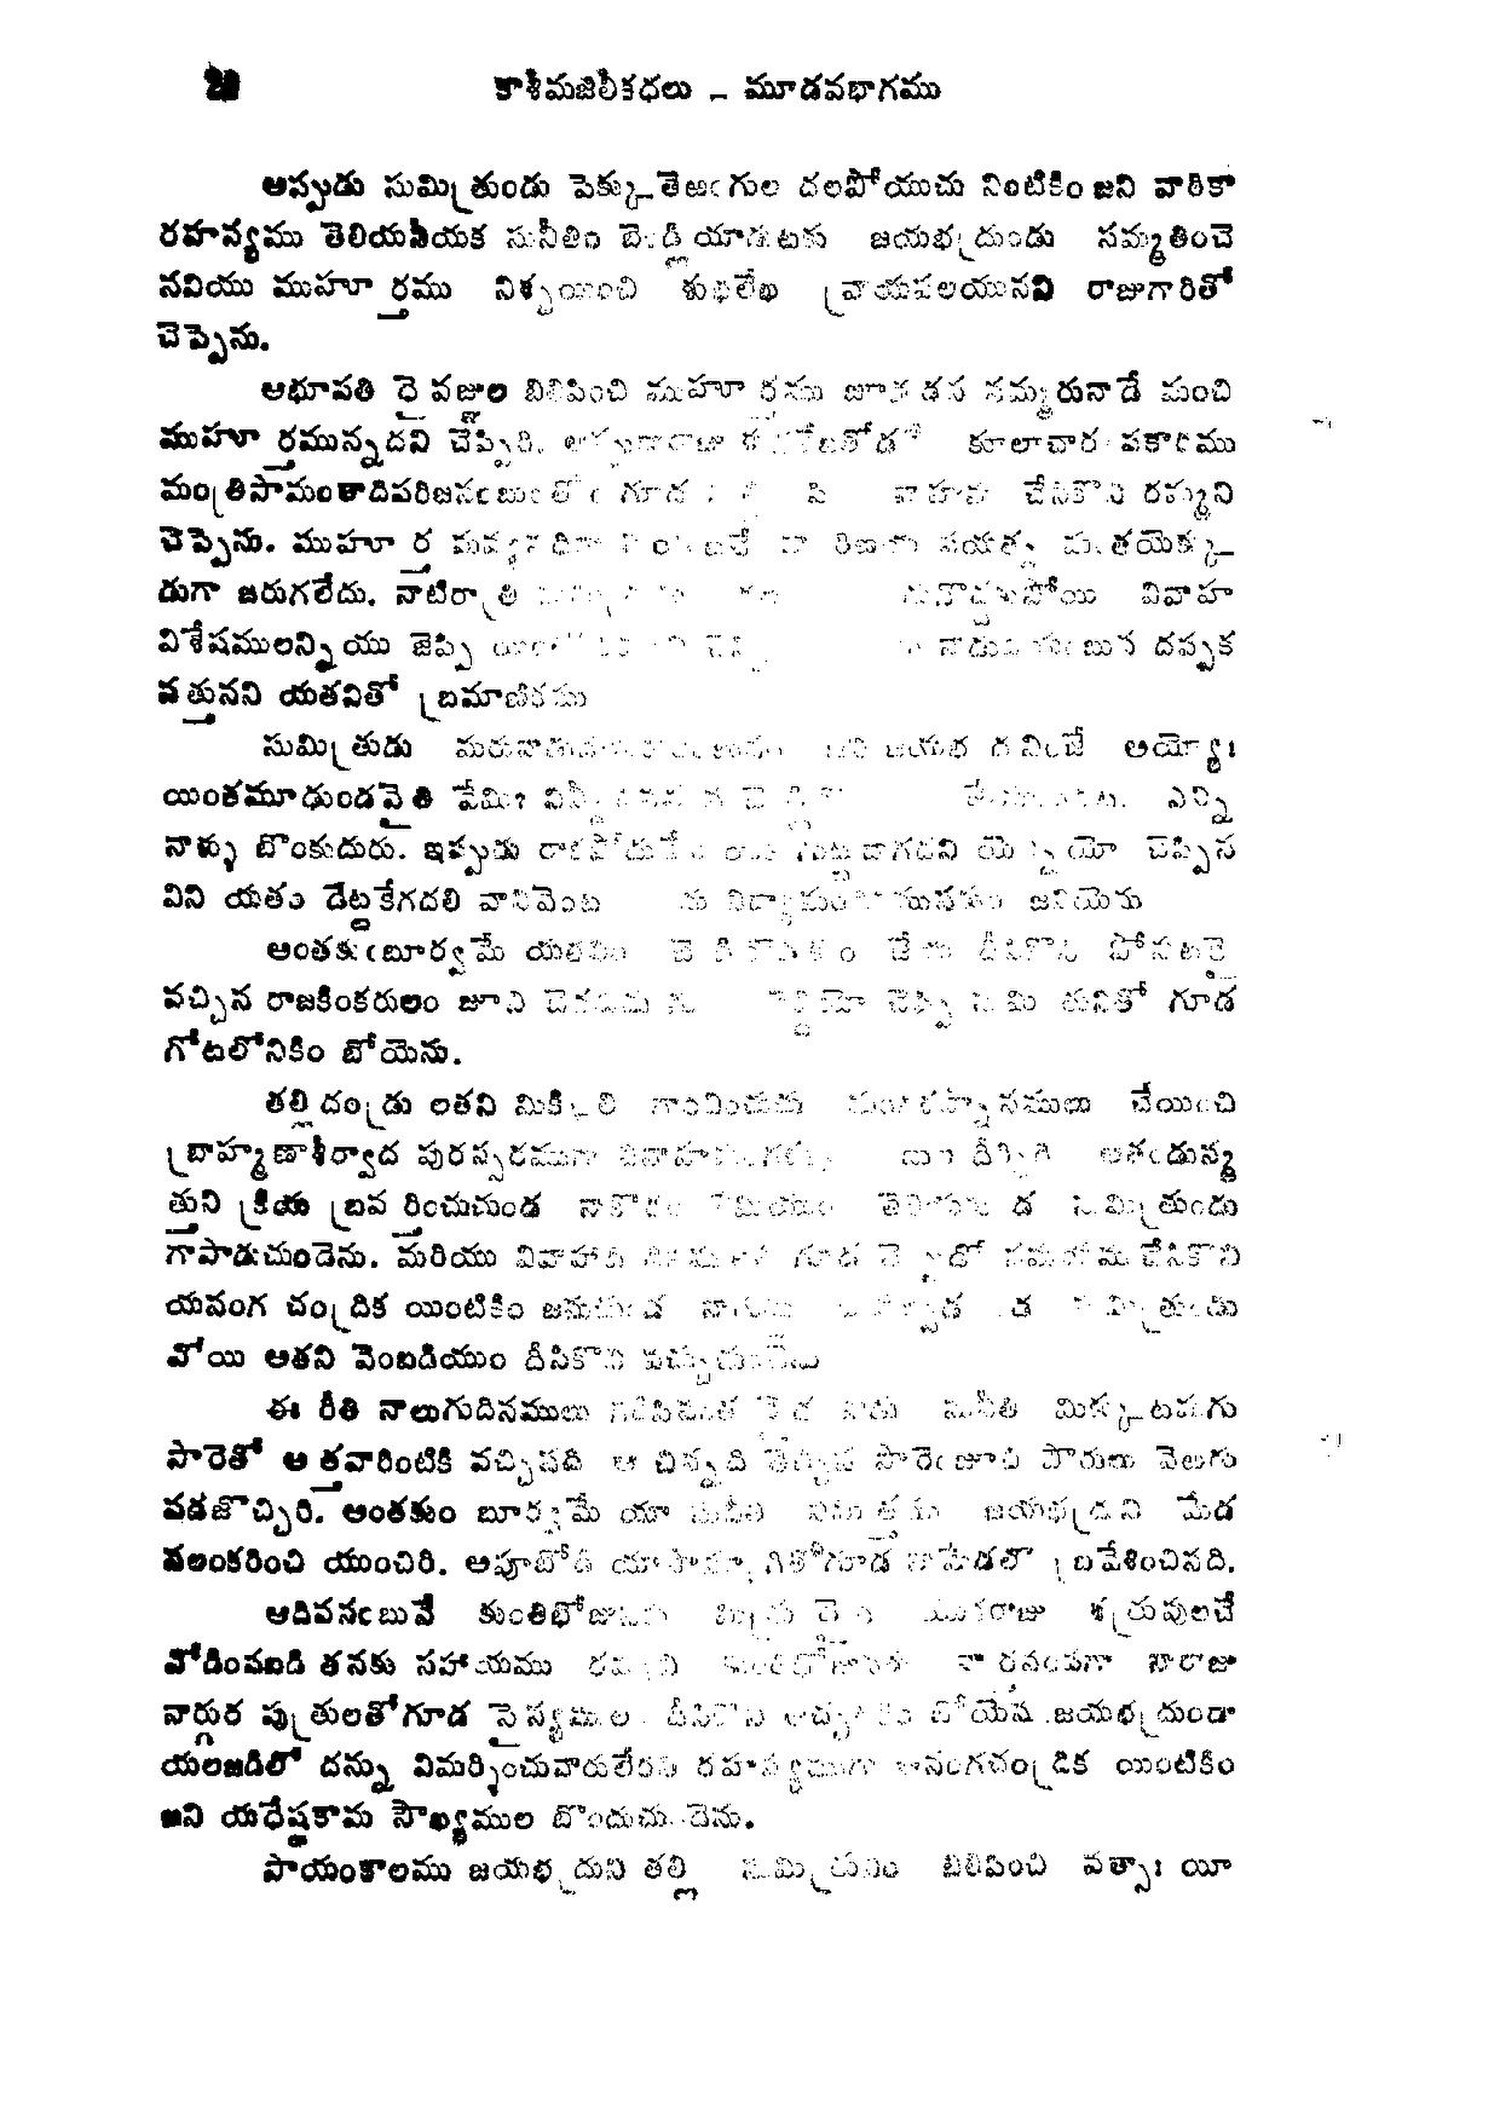అప్పుడు సుమిత్రుండు పెక్కుతెఱఁగుల దలపోయుచు నింటికిం జని వారికా రహస్యము తెలియనీయక సునీతిం బెండ్లియాడుటకు జయభద్రుండు సమ్మతించెననియు ముహూర్తము నిశ్చయించి శుభలేఖ వ్రాయవలయునని రాజుగారితో చెప్పెను.

ఆభూపతి దైవజ్ఞుల బిలిపించి ముహూరము జూడుడన నమ్మరునాడే మంచి ముహూర్తమున్నదని చెప్పిరి. అప్పుడారాజు శుభలేఖతోడనే కూలాచారప్రకారము మంత్రిసామంతాదిపరిజనంబులతోఁ గూడ విచ్చేసి వివాహము చేసికొని రమ్మని చెప్పెను. ముహూర్త మవ్యవధిగా నుండుటచే నాపరిణయప్రయత్న మంతయెక్కుడుగా జరుగలేదు, నాటిరాత్రి సుమిత్రుడు జయభద్రునొద్దకు పోయి వివాహవిశేషము లన్నియు జెప్పియింతవరకని చెప్పి మరునా డుదయంబున దప్పక వత్తునని యతనితో బ్రమాణికము

సుమిత్రుడు మరునా డుదయకాలంబున జని జయభద్రునిం జేరి అయ్యో! యింతమూఢుండవైతి వేమి? ని న్నీదినము బెండ్లికొడుకును జేయవలెనట. ఎన్నినాళ్ళు బొంకుదును. ఇప్పుడు రాకపోదువేని యీగుట్టు దాగదని యెన్నియో చెప్పిన విని యతం డెట్టకే గదలి వానివెంట నందు విద్యామందిరమునకుం జనియెను. 

అంతకుఁ బూర్వమే యతనిని బెండ్లికొడుకుం జేయ దీసికొనిపోవుటకై వచ్చిన రాజకింకరులం జూచి బెదరుచు గండ మెద్దియో చెప్పి సుమిత్రునితో గూడ గోటలోనికిం బోయెను.

తల్లిదండ్రు లతని మిక్కిలి గారవించుచు మంగళస్నానములు చేయించి బ్రాహ్మణాశీర్వాదపురస్సరముగ వివాహమంగళకార్యంబుల దీర్చిరి. అతండున్మత్తునిక్రియ బ్రవర్తించుచుండ నాకొరల కేమియుం తెలియకుండ సుమిత్రుండు గాపాడుచుండెను. మరియు వివాహాదిదినమున గూడ నెప్పుడో సమయము చేసికొని యనంగచంద్రిక యింటికిం జనుచుండ నాగుట్టు బయల్పడకుండ సుమిత్రుండు వోయి అతని వెంబడియుం దీసికొని వచ్చుచుండెను.

ఈ రీతి నాలుగుదినములు గడిసినంత నైదవనాడు సునీతి మిక్కుటమగు సారెతో అత్తవారింటికి వచ్చినది. ఆచిన్నది తెచ్చినసారెఁ జూచి పౌరులు వెఱగుపడజొచ్చిరి. అంతకుం బూర్వమే యాసునీతి నిమిత్తము జయభద్రున మేడ నలంకరించి యుంచిరి. అపూబోడి యాసామాగ్రితో నామేడలో బ్రవేశించినది.

ఆదివసంబుననే కుంతిభోజునకు మిత్రుడైన యొకరాజు శత్రువులచే నోడింపబడి తనకు సహాయము రమ్మని కుంతిభోజునకు వార్త నంపగా నారాజు నార్గురపుత్రులతోగూడ సైన్యముల దీసికొని అచ్చటికిం బోయెను. జయభద్రుం డాయలజడిలో దన్ను విమర్శించువారు లేరని రహస్యముగా అనంగచంద్రిక యింటికిం జని యధేష్టకామసౌఖ్యముల బొందుచుండెను.

పాయంకాలము జయభద్రుని తల్లి సుమిత్రునిం బిలిపించి వత్సా! యీ